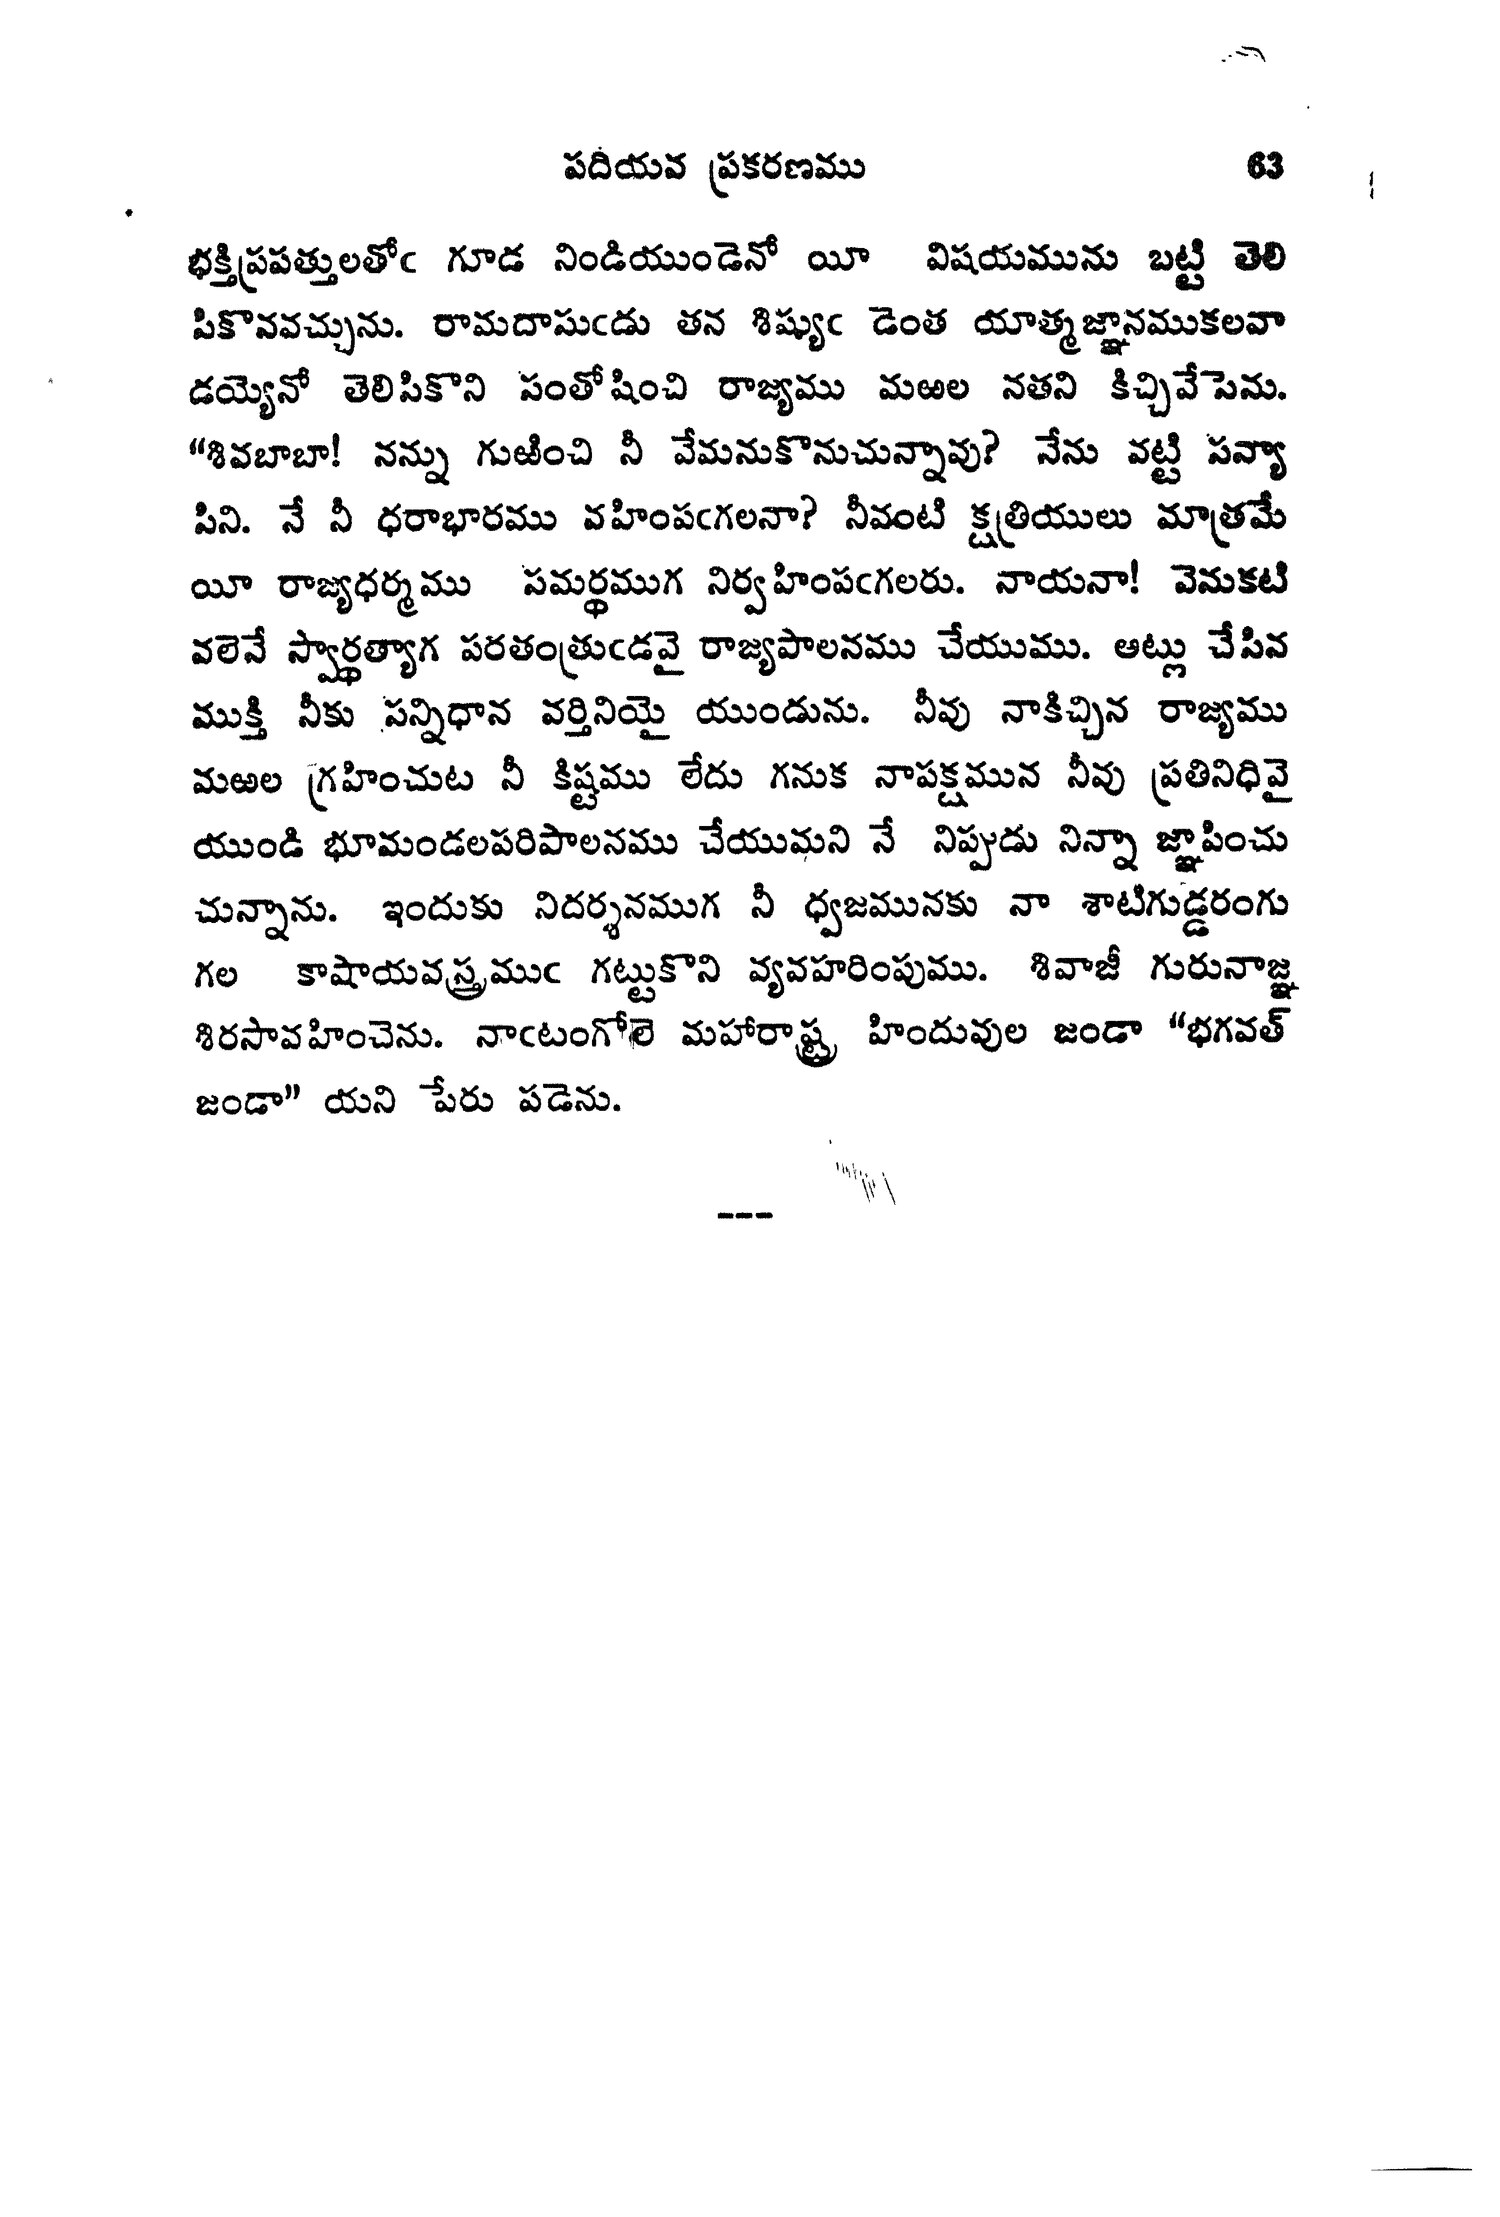భక్తిప్రపత్తులతో గూడ నిండియుండెనో యీ విషయమును బట్టి తెలిసికొనవచ్చును. రామదాసుడు తన శిష్యు డెంత యాత్మజ్ఞానముకలవాడయ్యెనో తెలిసికొని సంతోషించి రాజ్యము మఱల నతని కిచ్చివేసెను. "శివబాబా! నన్ను గుఱించి నీ వేమనుకొనుచున్నావు? నేను వట్టి సన్యాసిని. నే నీ ధరాభారము వహింపగలవా? నీవంటి క్షత్రియులు మాత్రమే యీ రాజ్యధర్మము సమర్థముగ నిర్వహింపగలరు. నాయనా! వెనుకటి వలెనే స్వార్థత్యాగ పరతంత్రుడవై రాజ్యపాలనము చేయుము. అట్లు చేసిన ముక్తి నీకు సన్నిధాన వర్తినియై యుండును. నీవు నాకిచ్చిన రాజ్యము మఱల గ్రహించుట నీ కిష్టము లేదు గనుక నాపక్షమున నీవు ప్రతినిధివై యుండి భూమండలపరిపాలనము చేయుమని నే నిప్పుడు నిన్నాజ్ఞాపించు చున్నాను. ఇందుకు నిదర్శనముగ నీ ధ్వజమునకు నా శాటిగుడ్డరంగు గల కాషాయవస్త్రము గట్టుకొని వ్యవహరింపుము. శివాజీ గురువాజ్ఞ శిరసావహించెను. నాటంగోలె మహారాష్ట్ర హిందువుల జండా "భగవత్ జండా" యని పేరు పడెను.

________